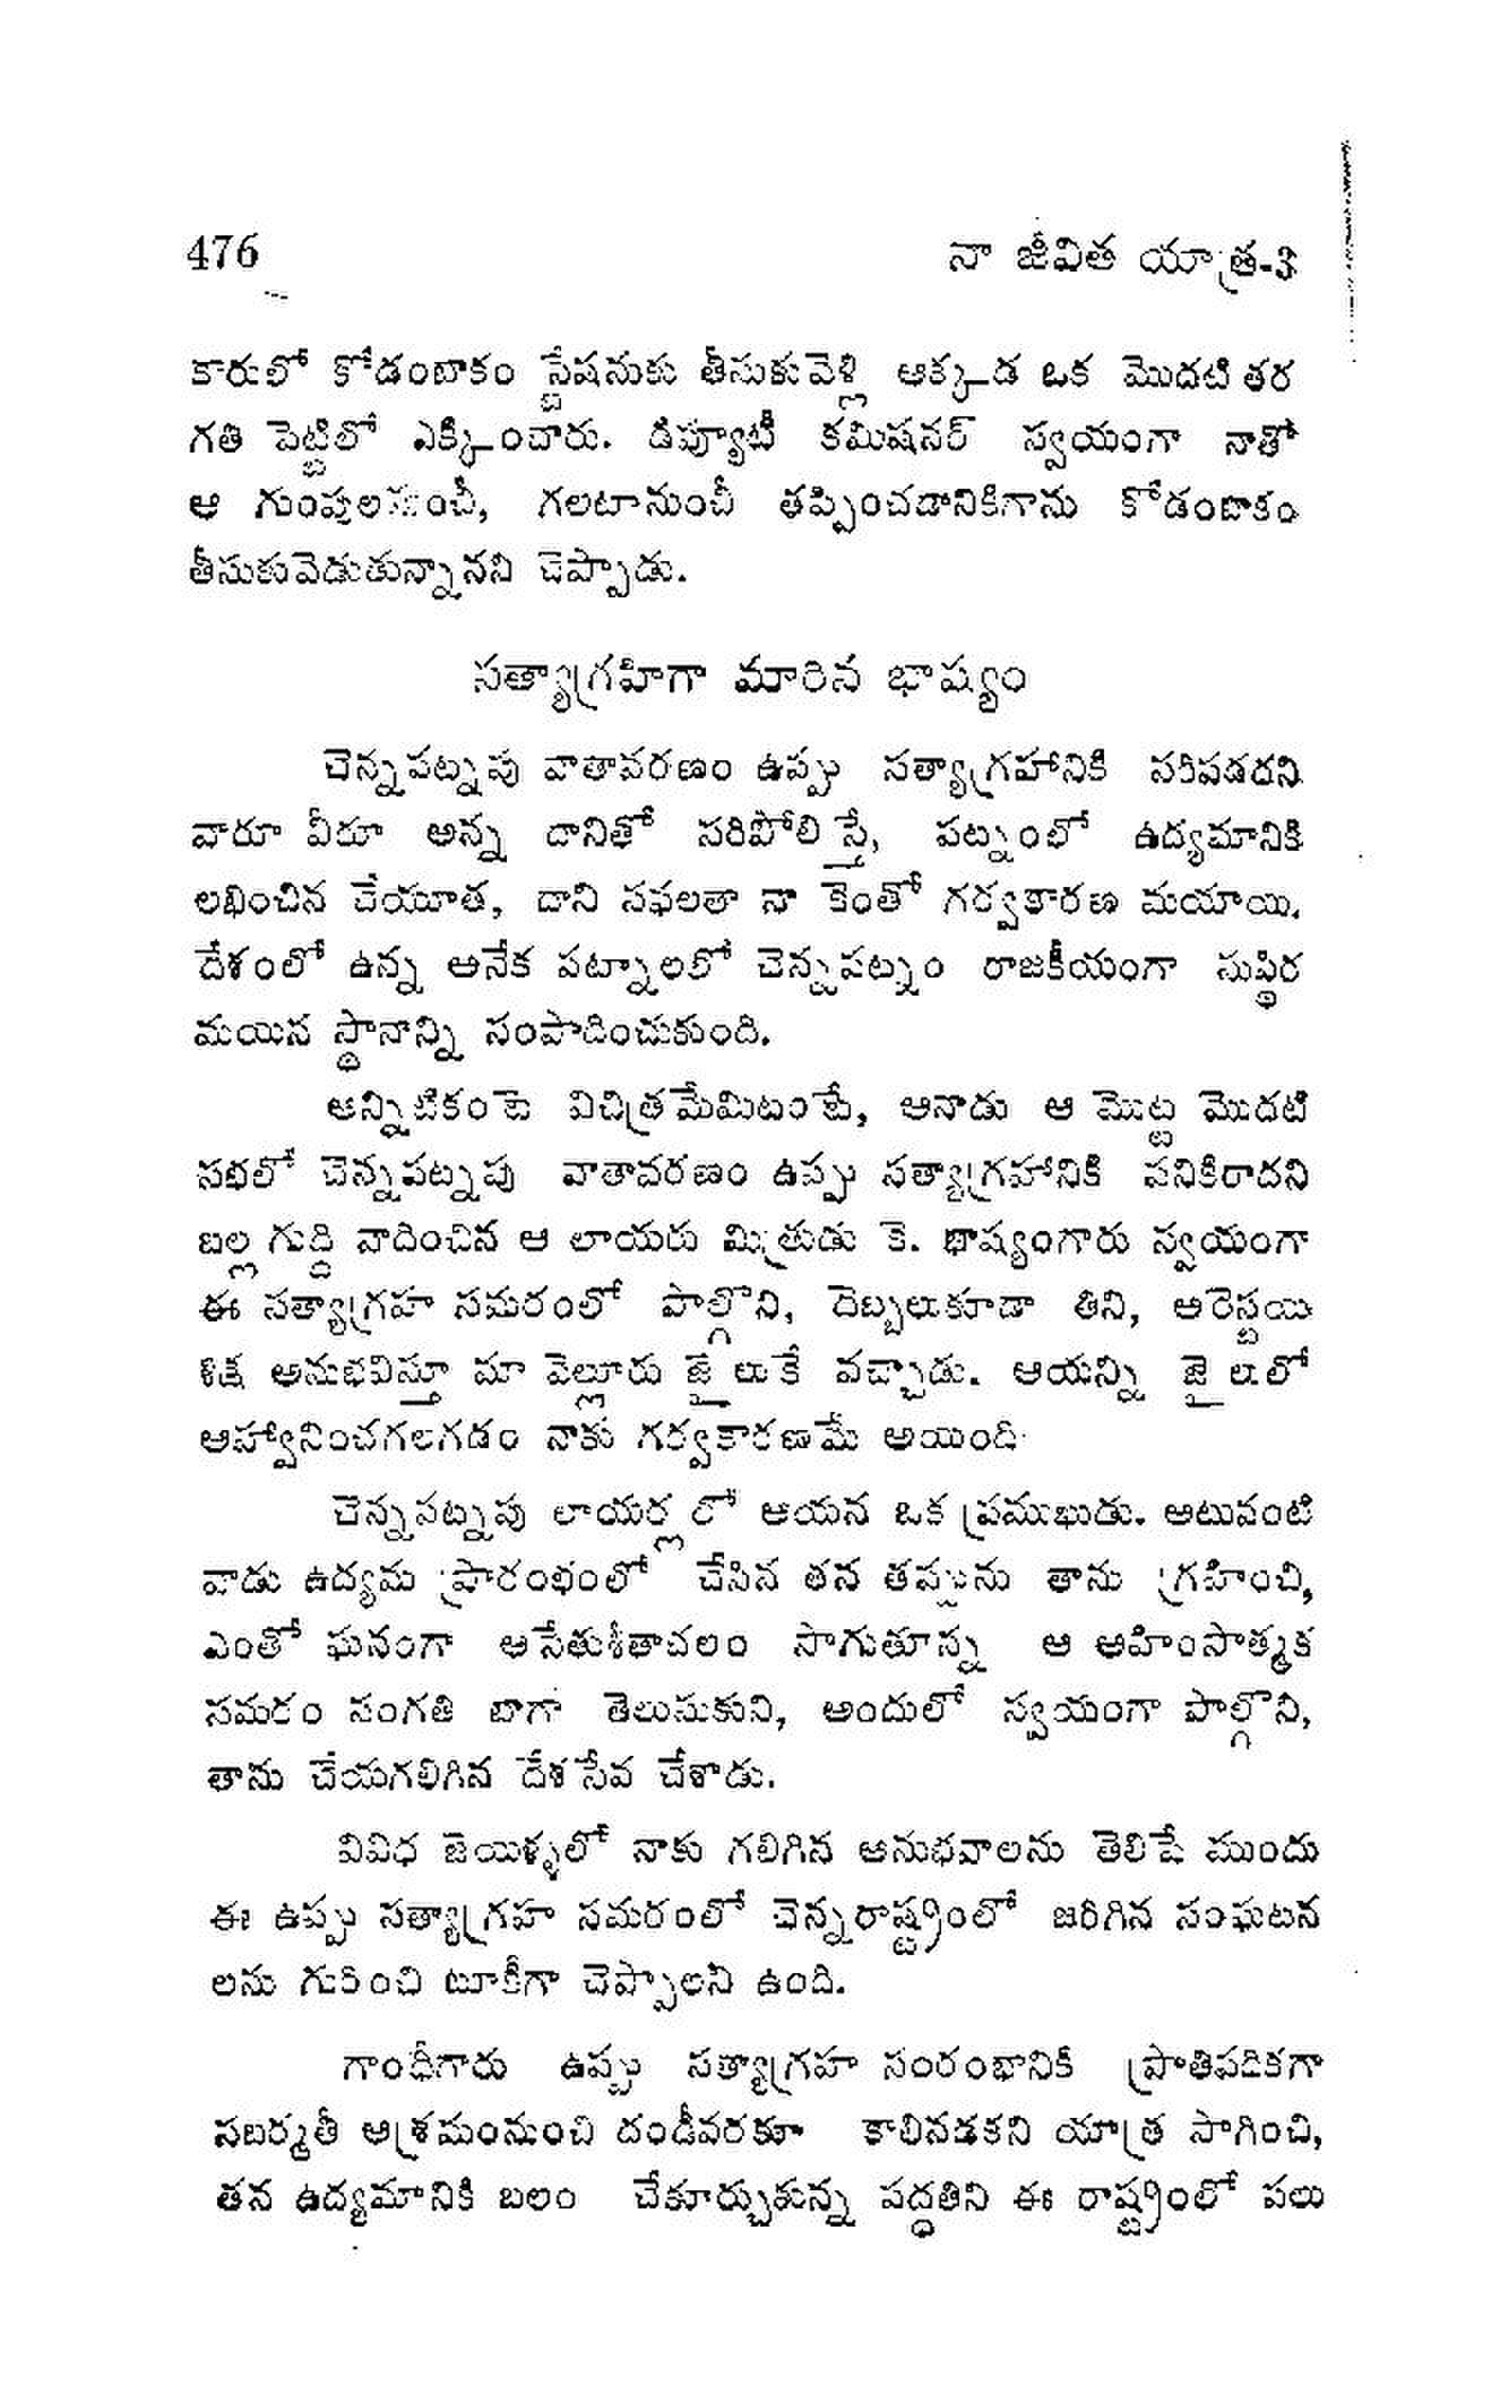కారులో కోడంబాకం స్టేషనుకు తీసుకువెళ్లి అక్కడ ఒక మొదటి తరగతి పెట్టెలో ఎక్కించారు. డిప్యూటీ కమిషనర్ స్వయంగా నాతో ఆ గుంపులనుంచీ, గలటానుంచీ తప్పించడానికిగాను కోడంబాకం తీసుకువెడుతున్నానని చెప్పాడు.

చెన్నపట్నపు వాతావరణం ఉప్పు సత్యాగ్రహానికి సరిపడదని వారూ వీరూ అన్న దానితో సరిపోలిస్తే, పట్నంలో ఉద్యమానికి లభించిన చేయూత, దాని సఫలతా నా కెంతో గర్వకారణ మయాయి. దేశంలో ఉన్న అనేక పట్నాలలో చెన్నపట్నం రాజకీయంగా సుస్థిరమయిన స్థానాన్ని సంపాదించుకుంది.

అన్నిటికంటె విచిత్రమేమిటంటే, ఆనాడు మొట్ట మొదటి సభలో చెన్నపట్నపు వాతావరణం ఉప్పు సత్యాగ్రహానికి పనికిరాదని బల్ల గుద్ది వాదించిన ఆ లాయరు మిత్రుడు కె. భాష్యంగారు స్వయంగా ఈ సత్యాగ్రహ సమరంలో పాల్గొని, దెబ్బలుకూడా తిని, అరెస్టయి శిక్ష అనుభవిస్తూ మా వెల్లూరు జైలుకే వచ్చారు. ఆయన్ని జైలులో ఆహ్వానించగలగడం నాకు గర్వకారణమే అయింది.

చెన్నపట్నపు లాయర్లలో ఆయన ఒక ప్రముఖుడు. అటువంటి వాడు ఉద్యమ ప్రారంభంలో చేసిన తన తప్పును తాను గ్రహించి,ఎంతో ఘనంగా ఆసేతుశీతాచలం సాగుతూన్న ఆ అహింసాత్మక సమరం సంగతి బాగా తెలుసుకుని, అందులో స్వయంగా పాల్గొని, తాను చేయగలిగిన దేశసేవ చేశాడు.

వివిధ జెయిళ్ళలో నాకు గలిగిన అనుభవాలను తెలిపే ముందు ఈ ఉప్పు సత్యాగ్రహ సమరంలో చెన్నరాష్ట్రంలో జరిగిన సంఘటనలను గురించి టూకీగా చెప్పాలని ఉంది.

గాంధీగారు ఉప్పు సత్యాగ్రహ సంరంభానికి ప్రాతిపదికగా సబర్మతీ ఆశ్రమంనుంచి దండీవరకూ కాలినడకని యాత్ర సాగించి, తన ఉద్యమానికి బలం చేకూర్చుకున్న పద్ధతిని ఈ రాష్ట్రంలో పలు